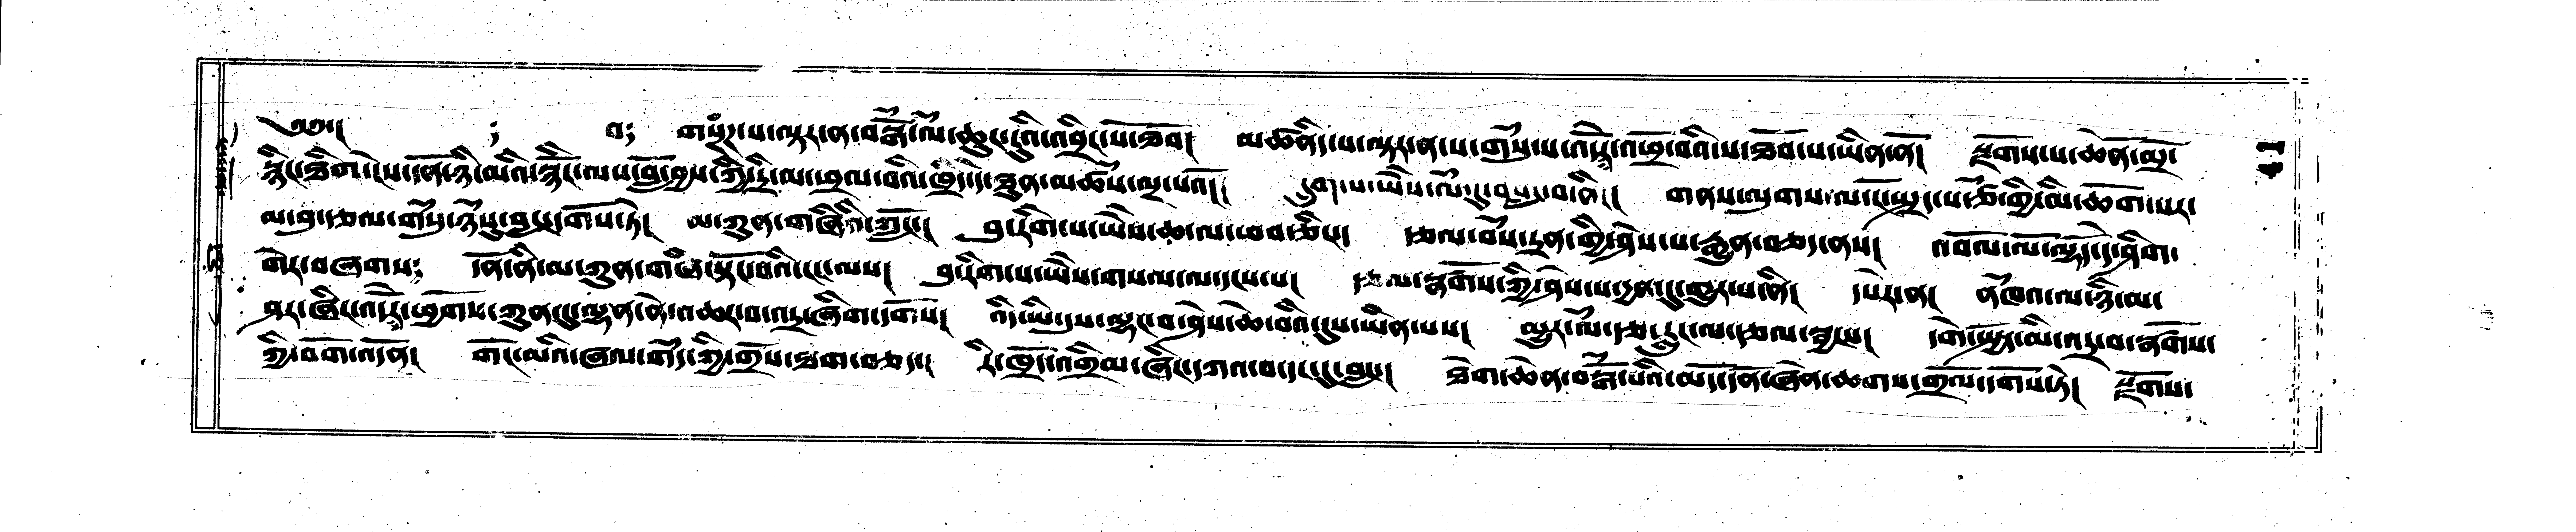བ། གསང་སྔགས་པ་ལྟར་ན་སྒོམ་ལམ་ཆུང་ངུའི་འབྲིང་པོ་ཐོབ། མཚན་ཉིད་པ་ལྟར་ན་ས་གསུམ་པ་འོད་ཟེར་འཕྲོ་བའི་ས་ཐོབ་པ་ཡིན་ནོ། །རྫོགས་པ་ཆེན་པོ་མཁའ་འགྲོ་
སྙིང་ཐིག་ངེས་དོན་ཉི་མའི་སྙིང་པོ་ལས། བློ་བྱས་ཀྱི་དྲི་མ་བྲལ་བའི་ཁྲིད་དེ་ཐུན་མཚམས་ལྔ་པའོ། །དྲུག་པ་ཡེ་ཤེས་ལམ་དུ་བསླང་བ་ནི། གནས་ལུགས་ལ་ངོ་སྤྲད་པ་ཙམ་གྱིས་མི་ཆོག་པར་
མ་བུ་རྩལ་གསུམ་ཉམས་སུ་བླང་དགོས་ཏེ། མ་ཀུན་གཞིའི་ཀློང་། བུ་རིག་པ་ཡེ་ཤེས་ཆ་ལ་ཕབ་ཅིང་། རྩལ་བསམ་དྲན་གྱི་ཤེས་པ་རྒྱུན་བཅད་ནས། འབོལ་ལེ་ལྷོད་དེ་ཤིག་
གེར་བཞག དོན་ནི་མ་ཀུན་གཞི་སྟོང་པའི་ངང་ལས། བུ་རིག་པ་ཡེ་ཤེས་གསལ་ལ་དྭངས་པ། རྩལ་སྣ་ཚོགས་ཀྱི་ཤེས་པ་རྒྱན་དུ་གྱུར་པ་ནི། དཔེར་ན། ནམ་མཁའ་ལ་ཉི་མ་
ཤར་ཞིང་འོད་ཟེར་ཕྱོགས་ཀུན་ཏུ་ལྷན་ནེ་འཆར་བ་འདྲ་ཞིག་དགོས། འདི་ཡི་དུས་ལྷང་བ་ཤས་ཆེ་བའི་དུས་ཡིན་པས་མྱུར་ལམ་རྩ་རླུང་ལ་རྩལ་སྦྱངས། དགེ་སྤྱོད་མི་འདྲ་བ་སྣ་ཚོགས་
ཀྱི་བོགས་འདོན། གོང་མའི་ཞལ་གདམས་ཀྱི་གྲོས་ཐག་བཅད། རི་ཁྲོད་འགྲིམས་ཤིང་དཀའ་བ་དང་དུ་བླང་། ཐེག་ཆེན་སྒོམ་པའི་འདོད་དོན་ཞེན་ཆགས་གྲོལ་དགོས་ཏེ། རྫོགས་